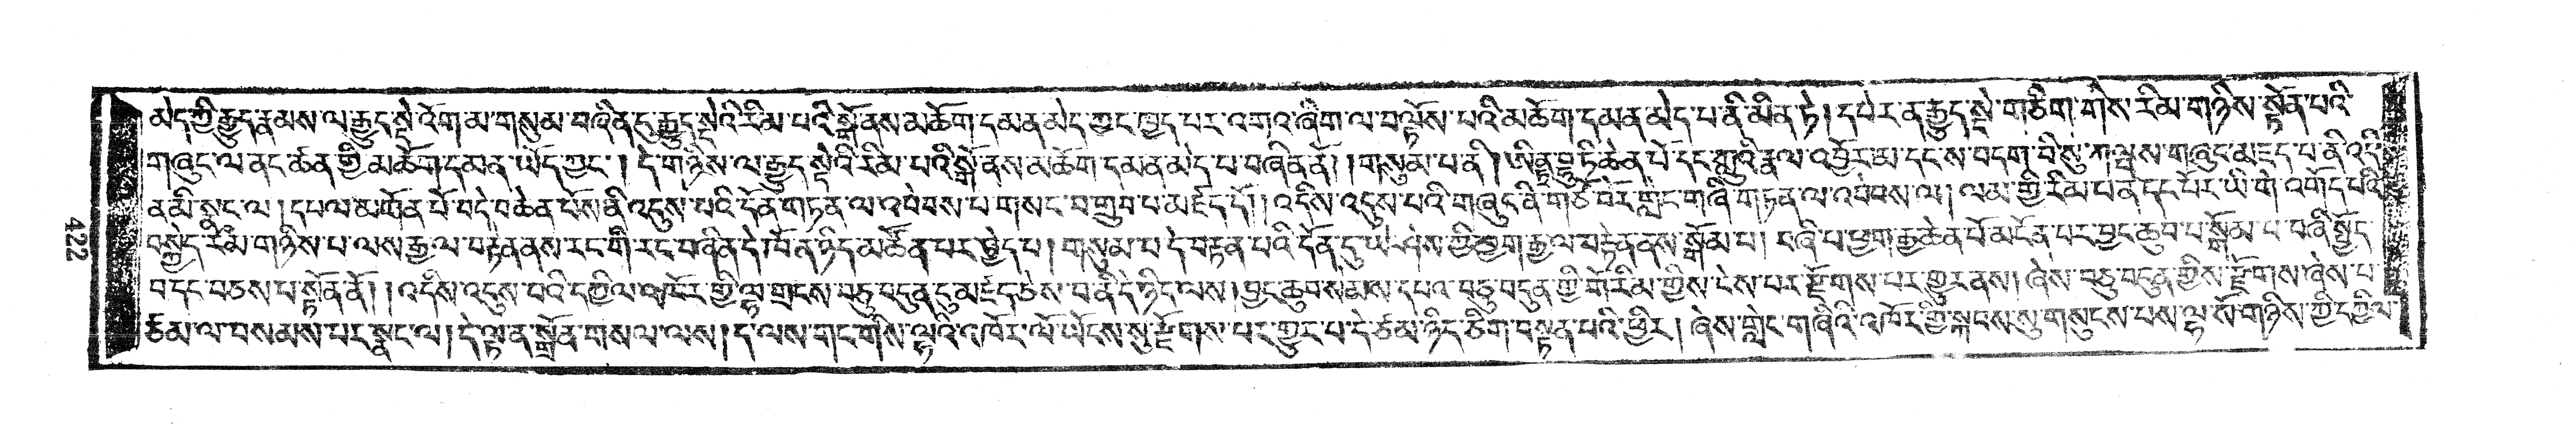མེད་ཀྱི་རྒྱུད་རྣམས་ལ་རྒྱུད་སྡེ་འོག་མ་གསུམ་བཞིན་དུ་རྒྱུད་སྡེའི་རིམ་པའི་སྒོ་ནས་མཆོག་དམན་མེད་ཀྱང་ཁྱད་པར་འགའ་ཞིག་ལ་བལྟོས་པའི་མཆོག་དམན་མེད་པ་ནི་མིན་ཏེ། དཔེར་ན་རྒྱུད་སྡེ་གཅིག་གིས་རིམ་གཉིས་སྟོན་པའི་
གཞུང་ལ་ནང་ཚན་གྱི་མཆོག་དམན་ཡོད་ཀྱང་། དེ་གཉིས་ལ་རྒྱུད་སྡེའི་རིམ་པའི་སྒོ་ནས་མཆོག་དམན་མེད་པ་བཞིན་ནོ། །གསུམ་པ་ནི། ཨིནྟྲ་བཧུ་ཏི་ཆེན་པོ་དང་ཀླུའི་རྣལ་འབྱོར་མ་དང་ས་བདག་བི་སུ་ཀལྤ་ས་གཞུང་མཛད་པ་ནི་འདི་
ན་མི་སྣང་ལ། དཔལ་མགོན་པོ་བདེ་བ་ཆེན་པོས་ནི་འདུས་པའི་དོན་གཏན་ལ་འབེབས་པ་གསང་བ་གྲུབ་པ་མཛད་དོ། །འདིས་འདུས་པའི་གཞུང་ནི་གཙོ་བོར་གླེང་གཞི་གཏན་ལ་འབེབས་ལ། ལམ་གྱི་རིམ་པ་ནི་དང་པོར་ཡི་གེ་འགོད་པའི་
བསྐྱེད་རིམ་གཉིས་པ་ལས་རྒྱལ་བརྟེན་ནས་རང་གི་རང་བཞིན་དེ་ཁོ་ན་ཉིད་མཚོན་པར་བྱེད་པ། གསུམ་པ་དེ་བརྟན་པའི་དོན་དུ་ཡེ་ཤེས་ཀྱི་ཕྱག་རྒྱ་ལ་བརྟེན་ནས་སྒོམ་པ། བཞི་པ་ཕྱག་རྒྱ་ཆེན་པོ་མངོན་པར་བྱང་ཆུབ་པ་སྒོམ་པ་བཞི་སྤྱོད་
པ་དང་བཅས་པ་སྟོན་ནོ། །འདིས་འདུས་པའི་དཀྱིལ་འཁོར་གྱི་ལྷ་གྲངས་བཅུ་བདུན་དུ་མཛད་ཅེས་པ་ནི་དེ་ཉིད་ལས། བྱང་ཆུབ་སེམས་དཔའ་བཅུ་བདུན་གྱི་གོ་རིམ་གྱིས་ངེས་པར་རྫོགས་པར་གྱུར་ནས། ཞེས་བཅུ་བདུན་གྱིས་རྫོགས་ཞེས་པ་ཙམ་ལ་བསམས་པར་སྣང་ལ། དེ་ལྟ་ན་སྒྲོན་གསལ་ལས། དེ་ལས་གང་གི་ལྷའི་འཁོར་ལོ་ཡོངས་སུ་རྫོགས་པར་གྱུར་པ་དེ་ཙམ་ཉིད་ཅིག་བསྟན་པའི་ཕྱིར། ཞེས་གླེང་གཞིའི་འཁོར་གྱི་སྐབས་སུ་གསུངས་པས་ལྷ་སོ་གཉིས་ཀྱི་དཀྱིལ་